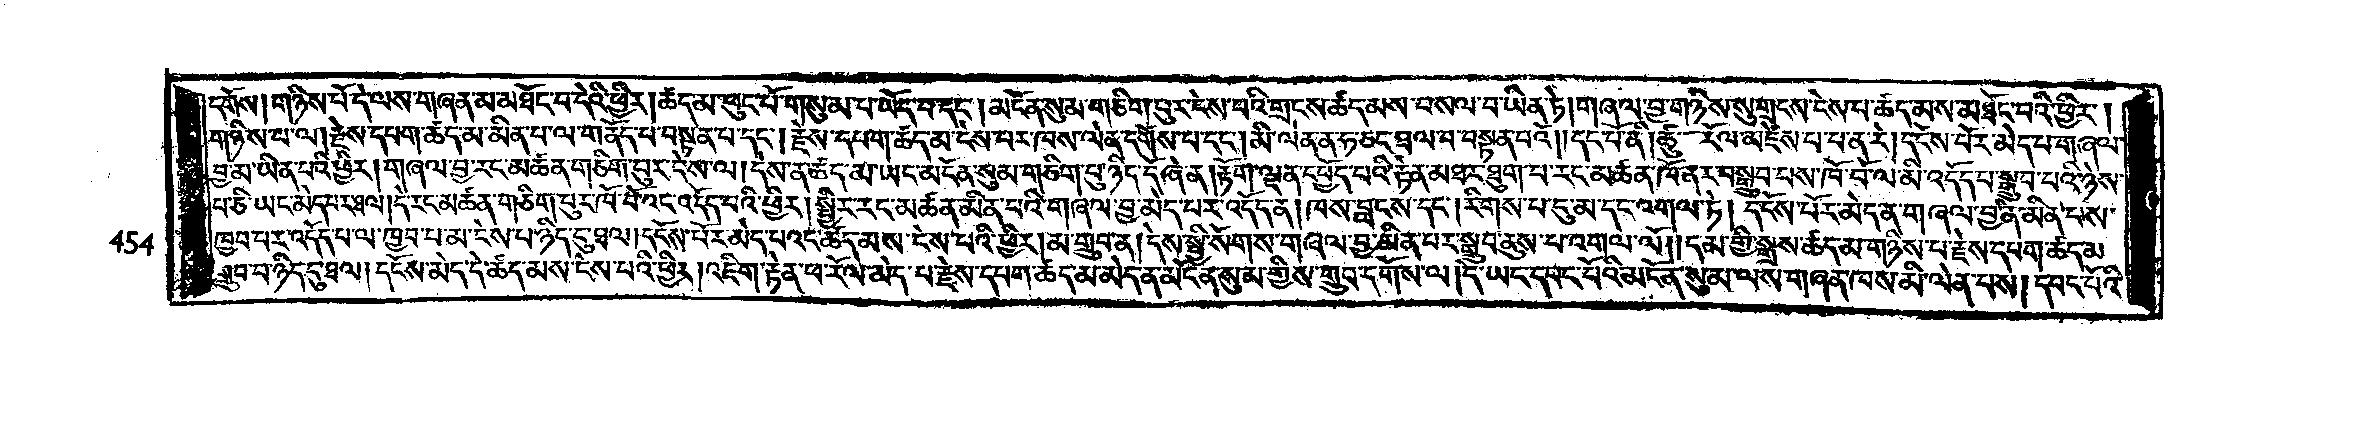དགོས། གཉིས་པོ་དེ་ལས་གཞན་མ་མཐོང་བ་དེའི་ཕྱིར། ཚད་མ་ཕུང་པོ་གསུམ་པ་ཡོད་པ་དང་། མངོན་སུམ་གཅིག་པུར་ངེས་པའི་གྲངས་ཚད་མས་བསལ་བ་ཡིན་ཏེ། གཞལ་བྱ་གཉིས་སུ་གྲངས་ངེས་པ་ཚད་མས་མཐོང་བའི་ཕྱིར།
གཉིས་པ་ལ། རྗེས་དཔག་ཚད་མ་མིན་པ་ལ་གནོད་པ་བསྟན་པ་དང་། རྗེས་དཔག་ཚད་མ་ངེས་པར་ཁས་ལེན་དགོས་པ་དང་། མི་ལེན་ན་ཧ་ཅང་ཐལ་བ་བསྟན་པའོ། །དང་པོ་ནི། ཚུ་རོལ་མཛེས་པ་པོ་ན་རེ། དངོས་པོར་མེད་པ་གཞལ་
བྱ་མ་ཡིན་པའི་ཕྱིར། གཞལ་བྱ་རང་མཚན་གཅིག་པུར་ངེས་ལ། དེས་ན་ཚད་མ་ཡང་མངོན་སུམ་གཅིག་པུ་ཉིད་དོ་ཞེ་ན། རྟོག་ལྡན་དཔྱོད་པའི་རྟེན་མཐར་ཐུག་པ་རང་མཚན་ཁོ་ནར་བསྒྲུབ་པས་ཁོ་བོ་ལ་མི་འདོད་པ་སྒྲུབ་པའི་ཉེས་
པ་ཅི་ཡང་མེད་པར་ཐལ། དེ་རང་མཚན་གཅིག་པུར་ཁོ་བོ་འང་འདོད་པའི་ཕྱིར། སྤྱིར་རང་མཚན་མིན་པའི་གཞལ་བྱ་མེད་པར་འདོད་ན། ཁས་བླངས་དང་། རིགས་པ་དུ་མ་དང་འགལ་ཏེ། དངོས་པོར་མེད་ན་གཞལ་བྱ་ནི་མིན་པས་
ཁྱབ་པར་འདོད་པ་ལ་ཁྱབ་པ་མ་ངེས་པ་ཉིད་དུ་ཐལ། དངོས་པོར་མེད་པའང་ཚད་མས་ངེས་པའི་ཕྱིར། མ་གྲུབ་ན། དེས་སྤྱི་སོགས་གཞལ་བྱ་མིན་པར་སྒྲུབ་ནུས་པ་འགལ་ལོ། །དམ་གྱི་སྒྲས་ཚད་མ་གཉིས་པ་རྗེས་དཔག་ཚད་མ་
གྲུབ་པ་ཉིད་དུ་ཐལ། དངོས་མེད་དེ་ཚད་མས་ངེས་པའི་ཕྱིར། འཇིག་རྟེན་ཕ་རོལ་མེད་པ་རྗེས་དཔག་ཚད་མ་མེད་ན་མངོན་སུམ་གྱིས་གྲུབ་དགོས་ལ། ད་ཡང་དབང་པོའི་མངོན་སུམ་ལས་གཞན་ཁས་མི་ལེན་པས། དབང་པོའི་